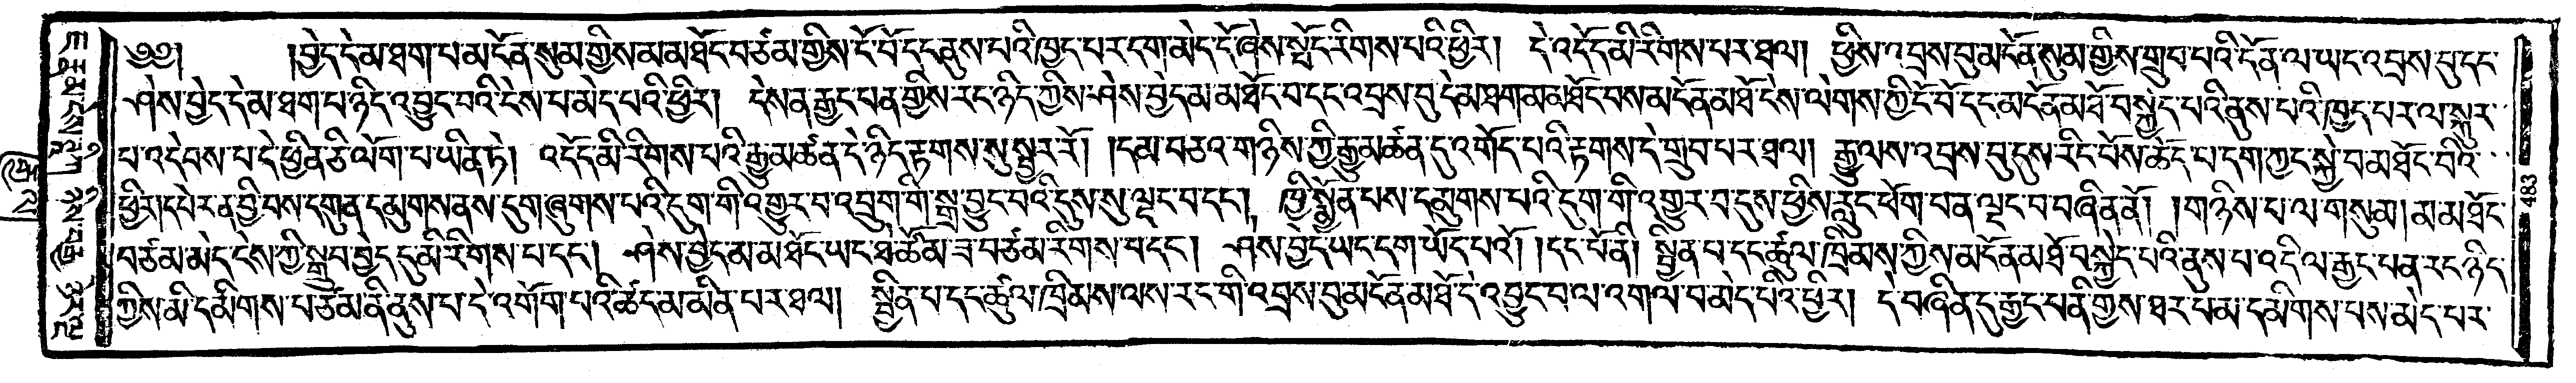༄༅། །བྱེད་དེ་མ་ཐག་པ་མངོན་སུམ་གྱིས་མ་མཐོང་བ་ཙམ་གྱིས་ངོ་བོ་དང་ནུས་པའི་ཁྱད་པར་དག་མེད་དོ་ཞེས་སྤོང་རིགས་པའི་ཕྱིར། དེ་འདོད་མི་རིགས་པར་ཐལ། ཕྱིས་འབྲས་བུ་མངོན་སུམ་གྱིས་གྲུབ་པའི་དོན་ལ་ཡང་འབྲས་བུ་དང་
ཤེས་བྱེད་དེ་མ་ཐག་པ་ཉིད་འབྱུང་བའི་ངེས་པ་མེད་པའི་ཕྱིར། དེས་ན་རྒྱང་པན་གྱིས་རང་ཉིད་ཀྱིས་ཤེས་བྱེད་མ་མཐོང་བ་དང་འབྲས་བུ་དེ་མ་ཐག་མ་མཐོང་བས་མངོན་མཐོ་ངེས་ལེགས་ཀྱི་ངོ་བོ་དང་མངོན་མཐོ་བསྐྱེད་པའི་ནུས་པའི་ཁྱད་པར་ལ་སྐུར་
པ་འདེབས་པ་དེ་ཕྱིན་ཅི་ལོག་པ་ཡིན་ཏེ། འདོད་མི་རིགས་པའི་རྒྱུ་མཚན་དེ་ཉིད་རྟགས་སུ་སྦྱར་རོ། །དམ་བཅའ་གཉིས་ཀྱི་རྒྱུ་མཚན་དུ་འགོད་པའི་རྟགས་དེ་གྲུབ་པར་ཐལ། རྒྱུ་ལས་འབྲས་བུ་དུས་རིང་པོས་ཆོད་པ་དག་ཀྱང་སྐྱེ་བ་མཐོང་བའི་
ཕྱིར། དཔེར་ན་བྱི་བས་དགུན་དམུགས་ནས་དུག་ཞུགས་པའི་དུག་གི་འགྱུར་བ་འབྲུག་གི་སྒྲ་བྱུང་བའི་དུས་སུ་ལྡང་བ་དང་། ཁྱི་སྨྱོན་པས་དམུགས་པའི་དུག་གི་འགྱུར་བ་དུས་ཕྱིས་རླུང་ཕོག་པ་ན་ལྡང་བ་བཞིན་ནོ། །གཉིས་པ་ལ་གསུམ། མ་མཐོང་
བ་ཙམ་མེད་ངེས་ཀྱི་སྒྲུབ་བྱེད་དུ་མི་རིགས་པ་དང་། ཤེས་བྱེད་མ་མཐོང་ཡང་ཐེ་ཚོམ་ཟ་བ་ཙམ་རིགས་པ་དང་། ཤེས་བྱེད་ཡང་དག་ཡོད་པའོ། །དང་པོ་ནི། སྦྱིན་པ་དང་ཚུལ་ཁྲིམས་ཀྱིས་མངོན་མཐོ་བསྐྱེད་པའི་ནུས་པ་འདི་ལ་རྒྱང་པན་རང་ཉིད་
ཀྱིས་མི་དམིགས་པ་ཙམ་ནི་ནུས་པ་དེ་འགོག་པའི་ཚད་མ་མིན་པར་ཐལ། སྦྱིན་པ་དང་ཚུལ་ཁྲིམས་ལས་རང་གི་འབྲས་བུ་མངོན་མཐོ་དེ་འབྱུང་བ་ལ་འགལ་བ་མེད་པའི་ཕྱིར། དེ་བཞིན་དུ་རྒྱང་པན་གྱིས་ཐར་པ་མ་དམིགས་པས་མེད་པར་